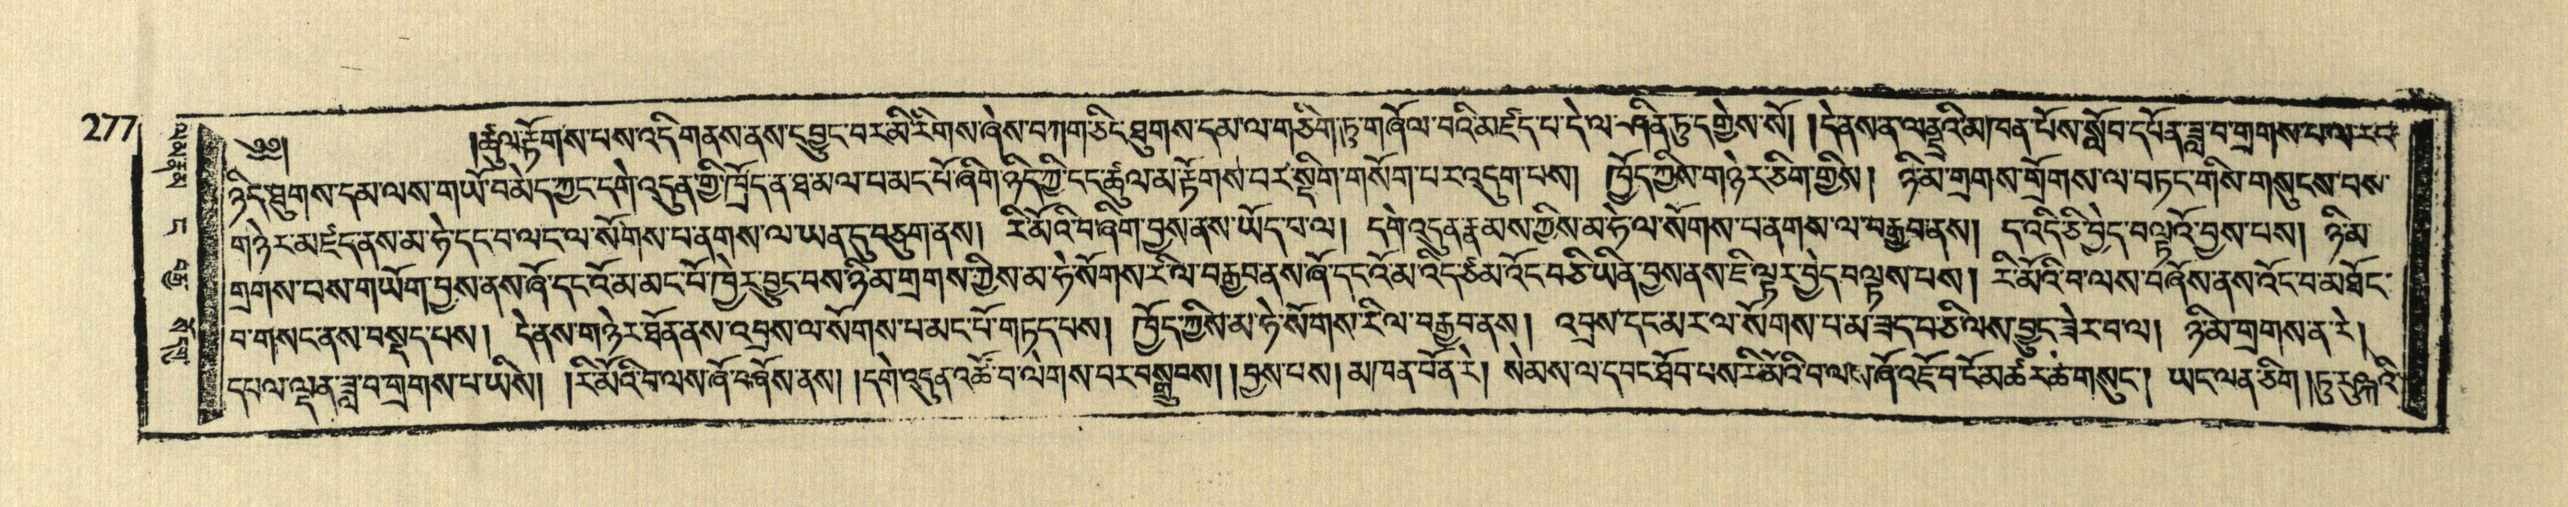༄༅། །ཚུལ་རྟོགས་པས་འདི་གནས་ནས་དབྱུང་བར་མི་རིགས་ཞེས་བཀག་ཅིང་ཐུགས་དམ་ལ་གཅིག་ཏུ་གཞོལ་བའི་མཛད་པ་དེ་ལ་ཤིན་ཏུ་དགྱེས་སོ། །དེ་ནས་ན་ལནྡྲའི་མཁན་པོས་སློབ་དཔོན་ཟླ་བ་གྲགས་པ་ལ་རང་
ཉིད་ཐུགས་དམ་ལས་གཡོ་བ་མེད་ཀྱང་དགེ་འདུན་གྱི་ཁྲོད་ན་ཐ་མལ་པ་མང་པོ་ཞིག་ཉིད་ཀྱི་ངང་ཚུལ་མ་རྟོགས་པར་སྡིག་གསོག་པར་འདུག་པས། ཁྱོད་ཀྱིས་གཉེར་ཅིག་གྱིས། ཉི་མ་གྲགས་གྲོགས་ལ་བཏང་གིས་གསུངས་བས་
གཉེར་མཛད་ནས་མ་ཧེ་དང་བ་ལང་ལ་སོགས་པ་ནགས་ལ་ཡན་དུ་བཅུག་ནས། རི་མོའི་བ་ཞིག་བྱས་ནས་ཡོད་པ་ལ། དགེ་འདུན་རྣམས་ཀྱིས་མ་ཧེ་ལ་སོགས་པ་ནགས་ལ་བརྒྱབ་ནས། ད་འདི་ཅི་བྱེད་བལྟའོ་བྱས་པས། ཉི་མ་
གྲགས་པས་གཡོག་བྱས་ནས་ཞོ་དང་འོ་མ་མང་པོ་ཁྱེར་བྱུང་བས་ཉི་མ་གྲགས་ཀྱིས་མ་ཧེ་སོགས་ར་ལི་བརྒྱབ་ནས་ཞོ་དང་འོ་མ་འདི་ཙམ་འོང་བཅི་ཡིན་བྱས་ནས་ཇི་ལྟར་བྱེད་བལྟས་པས། རི་མོའི་བ་ལས་བཞོས་ནས་འོང་བ་མཐོང་
བ་གསང་ནས་བསྡད་པས། དེ་ནས་གཉེར་ཐོན་ནས་འབྲས་ལ་སོགས་པ་མང་པོ་གཏད་པས། ཁྱོད་ཀྱིས་མ་ཧེ་སོགས་ར་ལི་བརྒྱབ་ནས། འབྲས་དང་མར་ལ་སོགས་པ་མ་ཟད་པ་ཅི་ལས་བྱུང་ཟེར་བ་ལ། ཉི་མ་གྲགས་ན་རེ།
དཔལ་ལྡན་ཟླ་བ་གྲགས་པ་ཡིས། །རི་མོའི་བ་ལས་ཞོ་བཞོས་ནས། །དགེ་འདུན་འཚོ་བ་ལེགས་པར་བསྒྲུབས། །བྱས་པས། མཁན་པོ་ན་རེ། སེམས་ལ་དབང་ཐོབ་པས་རི་མོའི་བ་ལས་ཞོ་འཇོ་བ་ངོ་མཚར་ཆེ་གསུང་། ཡང་ལན་ཅིག །ཏུ་རུཥྐའི་